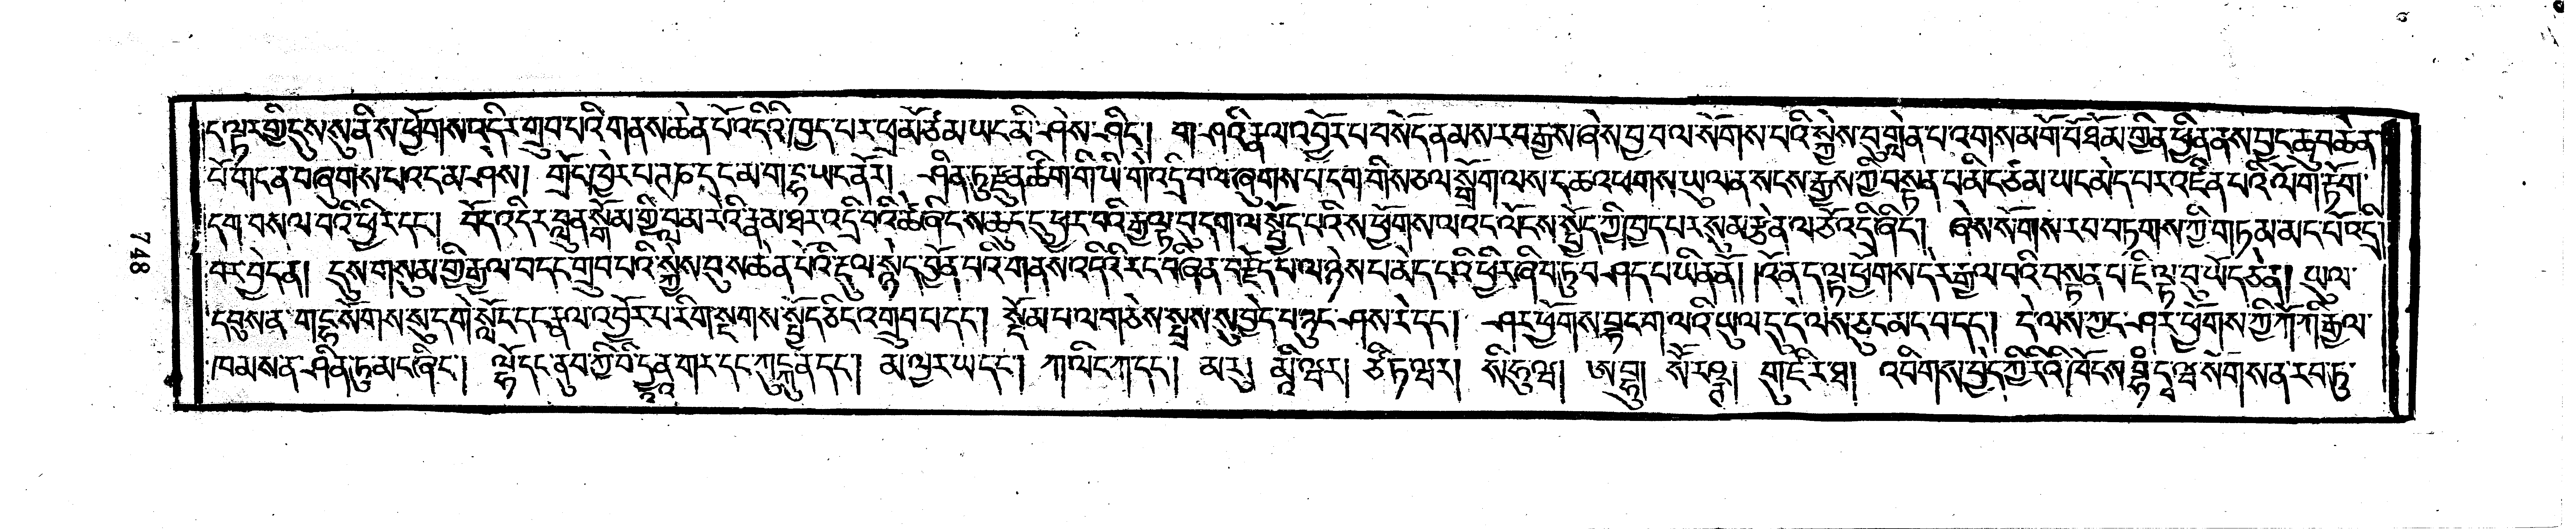ད་ལྟར་གྱི་དུས་སུ་ནི་ས་ཕྱོགས་འདིར་གྲུབ་པའི་གནས་ཆེན་པོ་འདིའི་ཁྱད་པར་ཕྲ་མོ་ཙམ་ཡང་མི་ཤེས་ཤིང་། གཤའི་རྣལ་འབྱོར་པ་བསོད་ནམས་རབ་རྒྱས་ཞེས་བྱ་བ་ལ་སོགས་པའི་སྐྱེས་བུ་གླེན་པ་འགས་མགོ་བོ་ཐོམ་གྱིན་ཕྱིན་ནས་བྱང་ཆུབ་ཆེན་
པོ་གང་ན་བཞུགས་པའང་མ་ཤེས། གྲོང་ཁྱེར་པ་ཊཎ་དང་མ་ག་དྷ་ཡང་ནོར། ཤིན་ཏུ་རྫུན་ཚིག་གི་ཡི་གེ་འདྲི་བ་ལ་ཞུགས་པ་དག་གིས་ཅལ་སྒྲོག་ལས་ད་ཆ་འཕགས་ཡུལ་ན་སངས་རྒྱས་ཀྱི་བསྟན་པ་མིང་ཙམ་ཡང་མེད་པར་འཛིན་པའི་ལོག་རྟོག་
དག་བསལ་བའི་ཕྱིར་དང་། བོད་འདིར་བླུན་སྒོམ་གྱི་བླ་མ་རེའི་རྣམ་ཐར་འདྲི་བའི་ཚེ་ཞིང་ས་ཆུད་དུ་ཕྱར་བའི་རྒྱ་ལྟ་བུ་དག་ལ་སྤྱོད་པའི་ས་ཕྱོགས་ལའང་ལོངས་སྤྱོད་ཀྱི་ཁྱད་པར་སུམ་རྩེན་ལ་ཅོ་འདྲི་ཞིང་། ཞེས་སོགས་རབ་བཏགས་ཀྱི་གཏམ་མང་པོ་འདྲི།
བར་བྱེད་ན། དུས་གསུམ་གྱི་རྒྱལ་བ་དང་གྲུབ་པའི་སྐྱེས་བུ་ས་ཆེན་པོའི་རྡུལ་སྙེད་བྱོན་པའི་གནས་འདིའི་རང་བཞིན་བརྗོད་པ་ལ་ཉེས་པ་མེད་པའི་ཕྱིར་ཞིབ་ཏུ་བཤད་པ་ཡིན་ནོ། །འོ་ན་ད་ལྟ་ཕྱོགས་དེར་རྒྱལ་བའི་བསྟན་པ་ཇི་ལྟ་བུ་ཡོད་ཅེ་ན། ཡུལ་
དབུས་ན་གདྷ་སོགས་སུ་དགེ་སློང་དང་རྣལ་འབྱོར་པ་རིག་སྔགས་སྤྱོད་ཅིང་འགྲུབ་པ་དང་། སྡོམ་པ་ལ་གཅེས་སྤྲས་སུ་བྱེད་པ་ཉུང་ཤས་རེ་དང་། ཤར་ཕྱོགས་བྷང་ག་ལའི་ཡུལ་དུ་དེ་ལས་ཅུང་མང་བ་དང་། དེ་ལས་ཀྱང་ཤར་ཕྱོགས་ཀྱི་ཀོ་ཀི་རྒྱལ་
ཁམས་ན་ཤིན་ཏུ་མང་ཞིང་། ལྷོ་དང་ནུབ་ཀྱི་བི་དྱཱི་ནཱ་གར་དང་ཀུངྐུ་ན་དང་། མ་ལྱར་ཡ་དང་། ཀ་ལིང་ཀ་དང་། མ་རུ། མཱི་ཝར། ཙིཏ་ཝར། སི་ཧུ་ཝ། ཨ་བྷུ། སཽ་རཥྚ། གུ་ཛི་ར་ཐ། འབིགས་བྱེད་ཀྱི་རིའི་ཁོངས་བྷཾ་དྭ་ཝ་སོགས་ན་རབ་ཏུ་